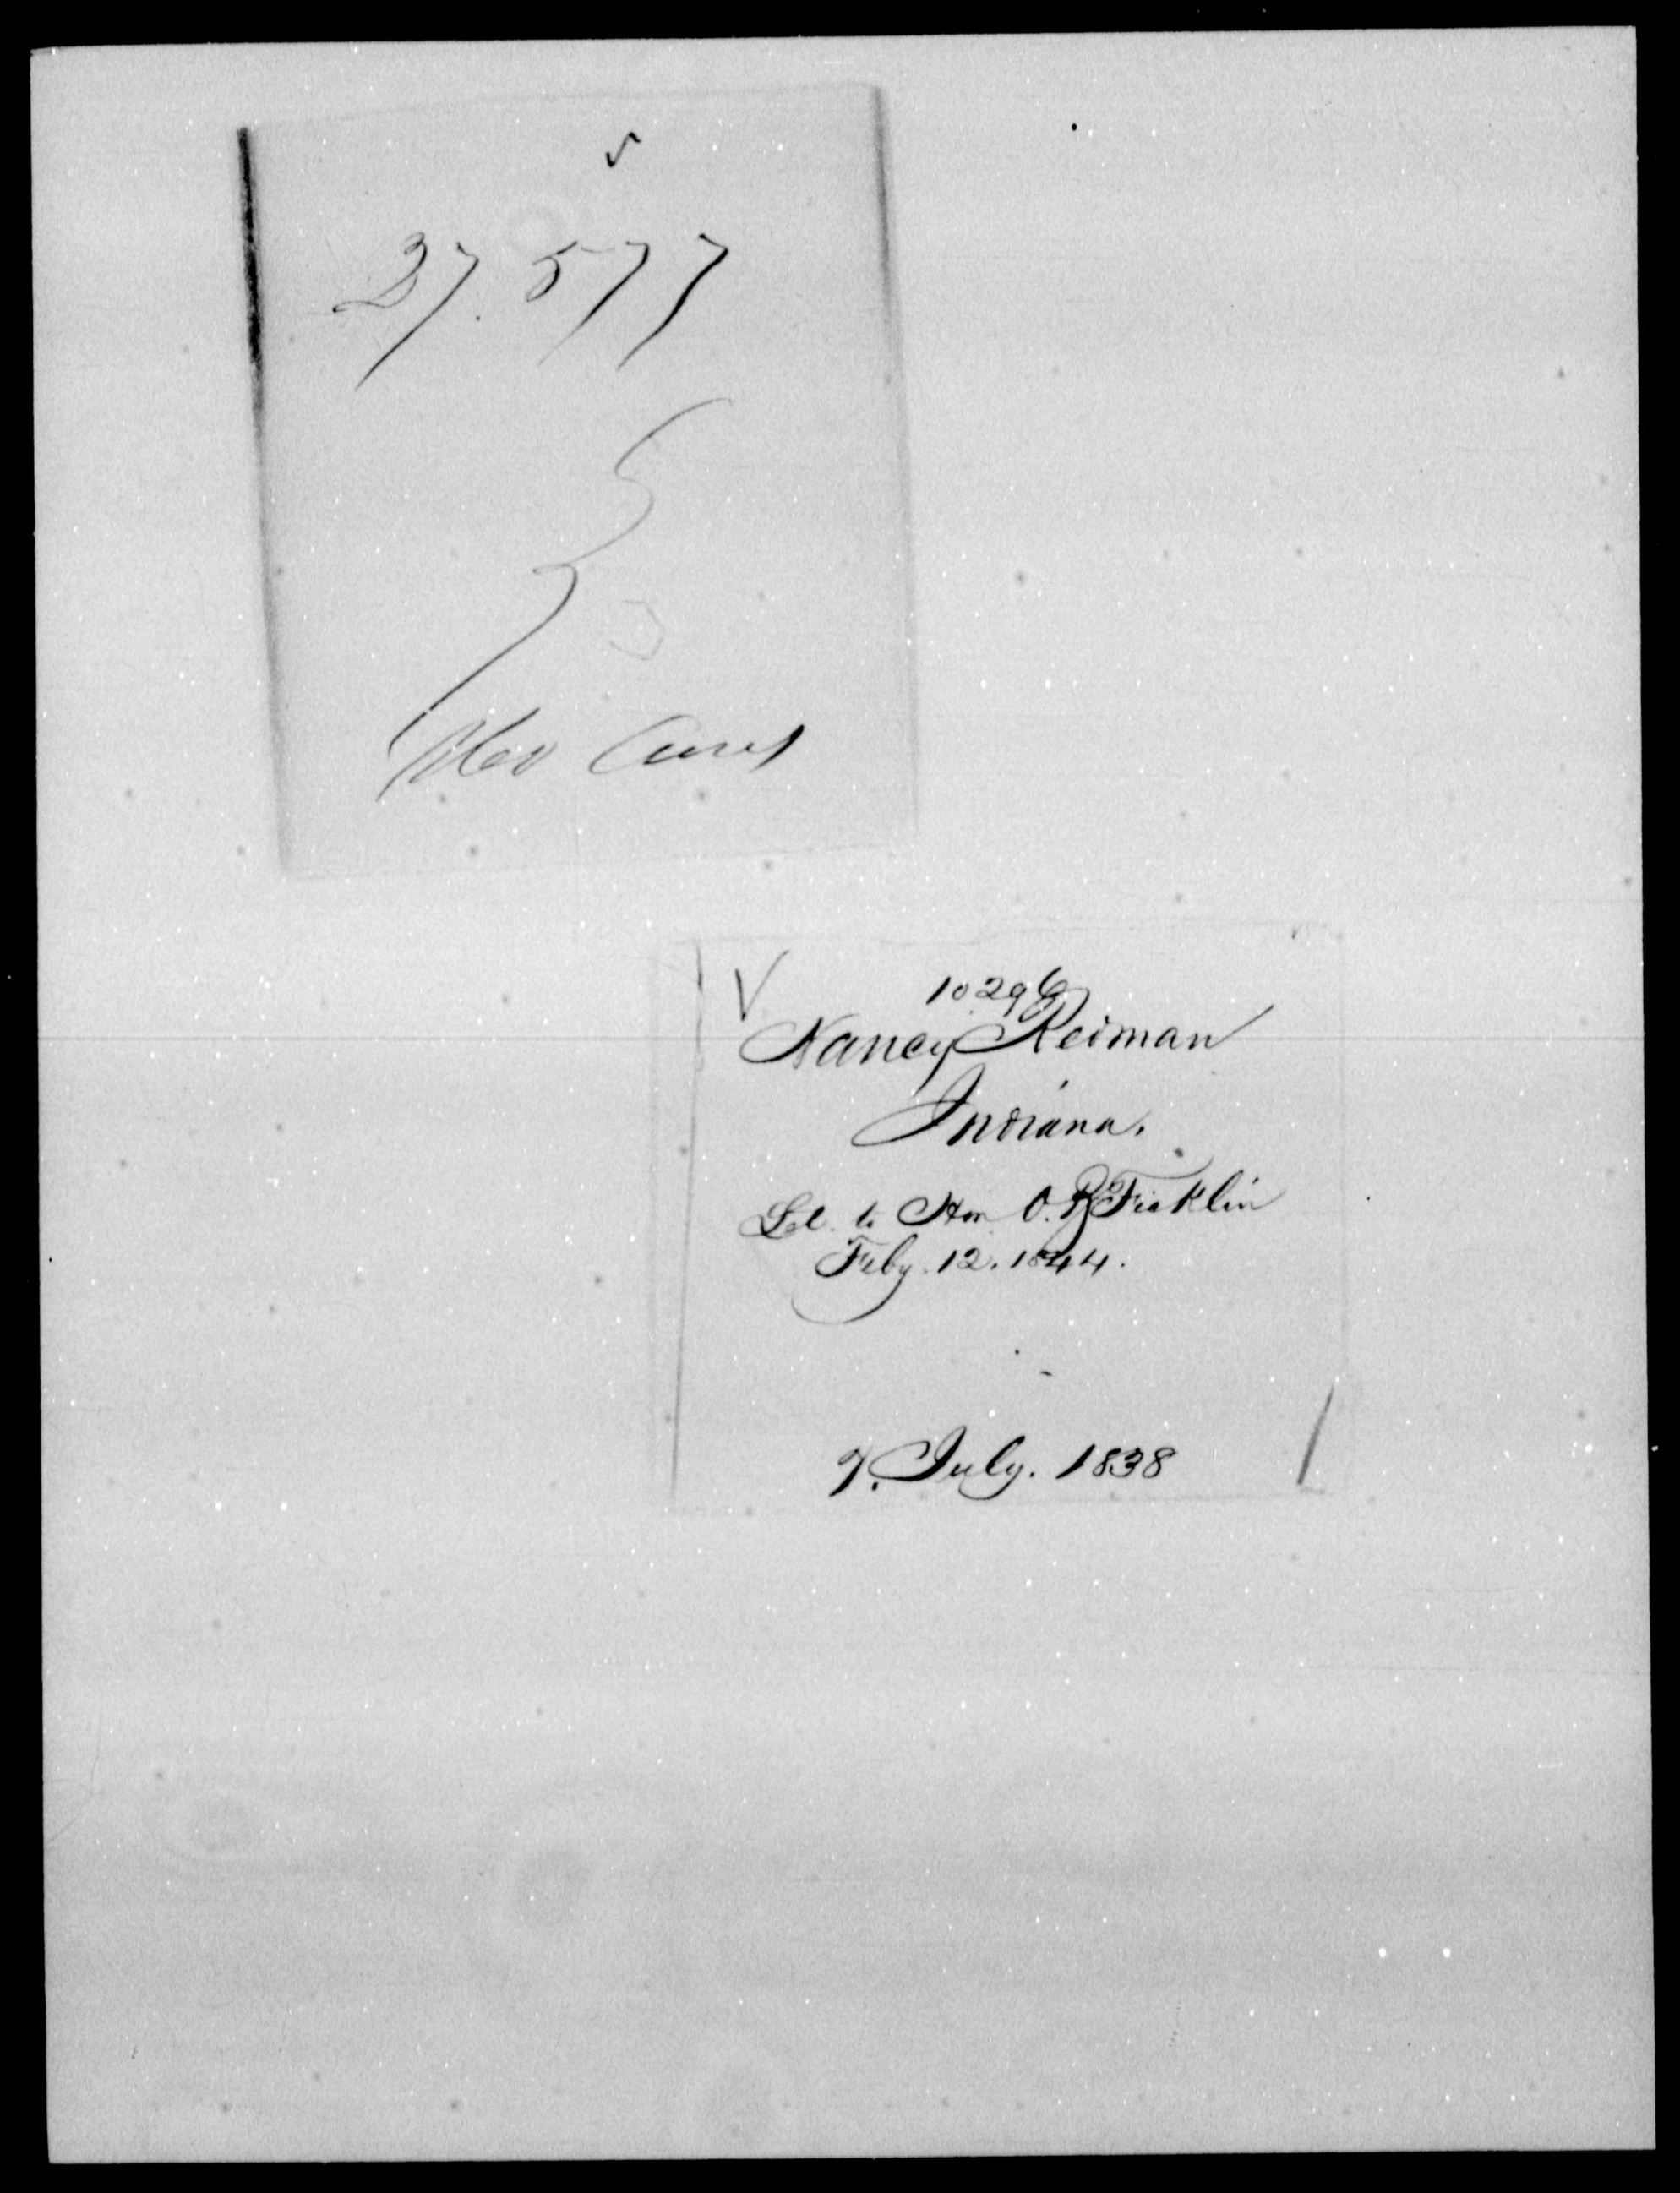27,577
160 Acres

10,296
Nancy Redman
Indiana,
Let. to Hon. O. B. Ficklin
Feby. 12, 1844.
7, July. 1838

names: Nancy Redman; O B Ficklin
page: 19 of 57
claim: widow's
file: W. 9,622, for Aaron Redman, Virginia